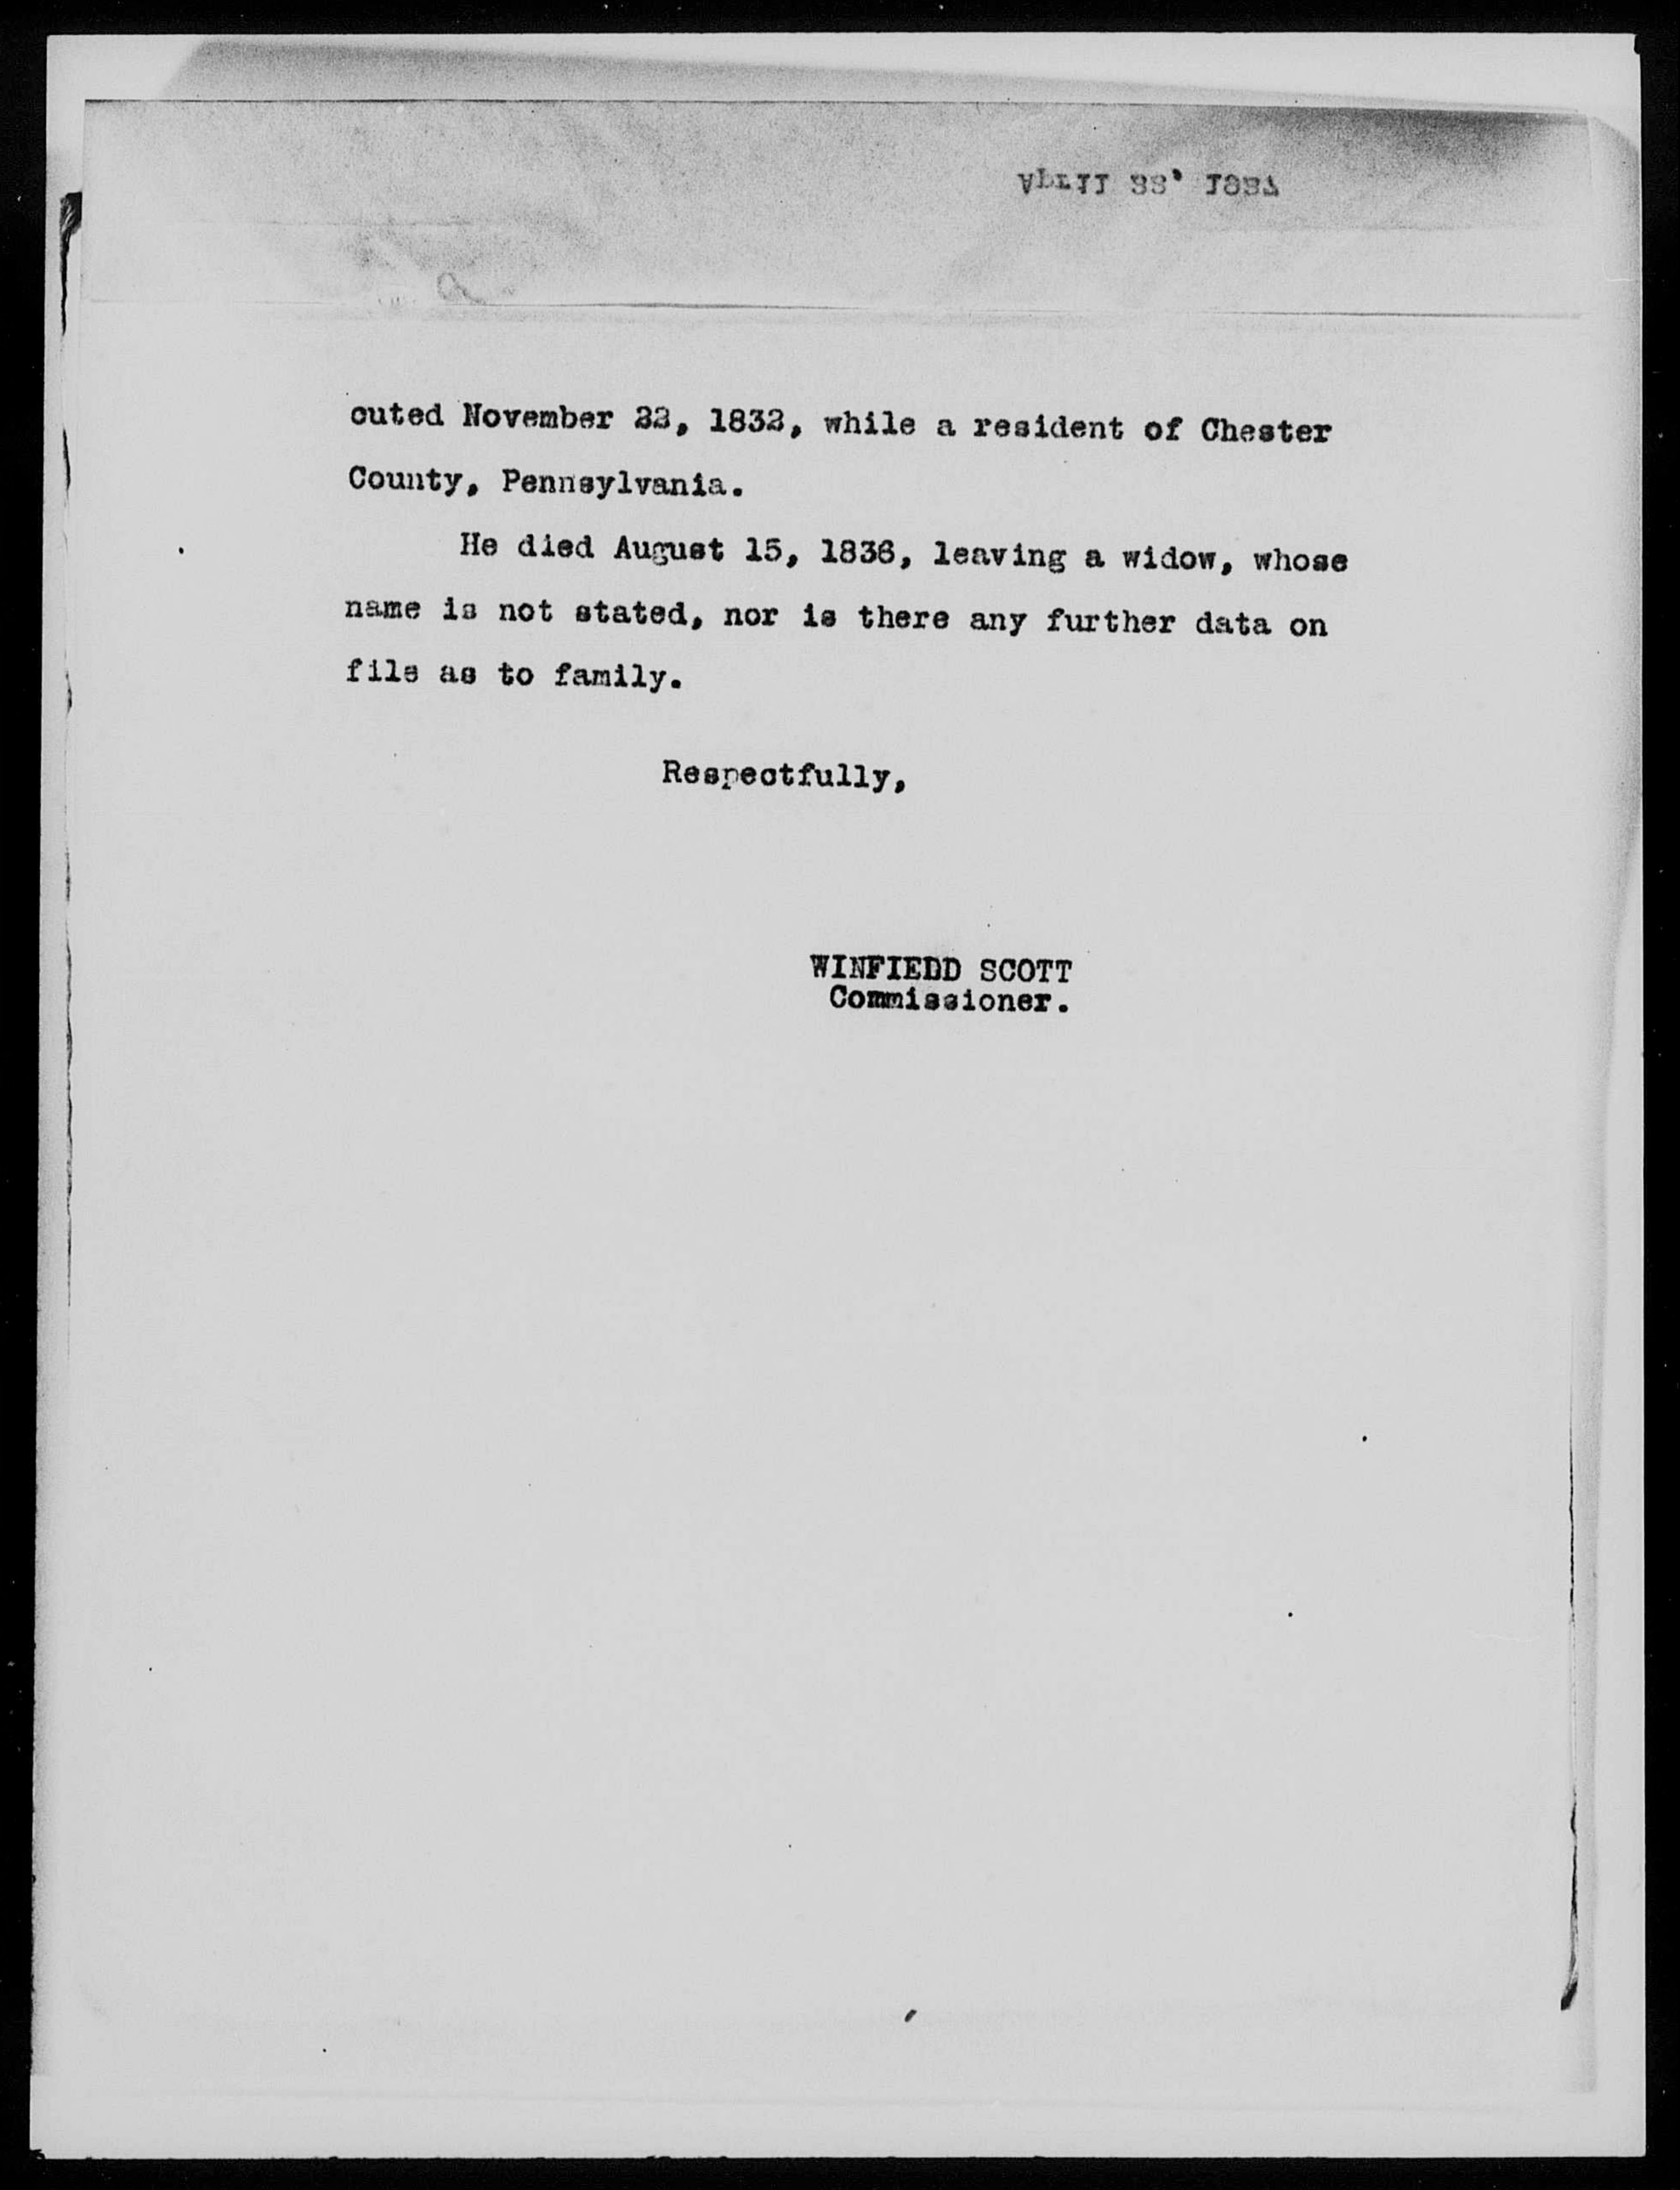cuted November 22, 1832, while a resident of Chester County, Pennsylvania.
He died August 15, 1838, leaving a widow, whose name is not stated, nor is there any further data on file as to family.
Respectfully,
WINFIELD SCOTT
Commissioner.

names: Winfield Scott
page: 18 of 29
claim: survivor's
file: S. 23618, Philip Emerick, Penn.